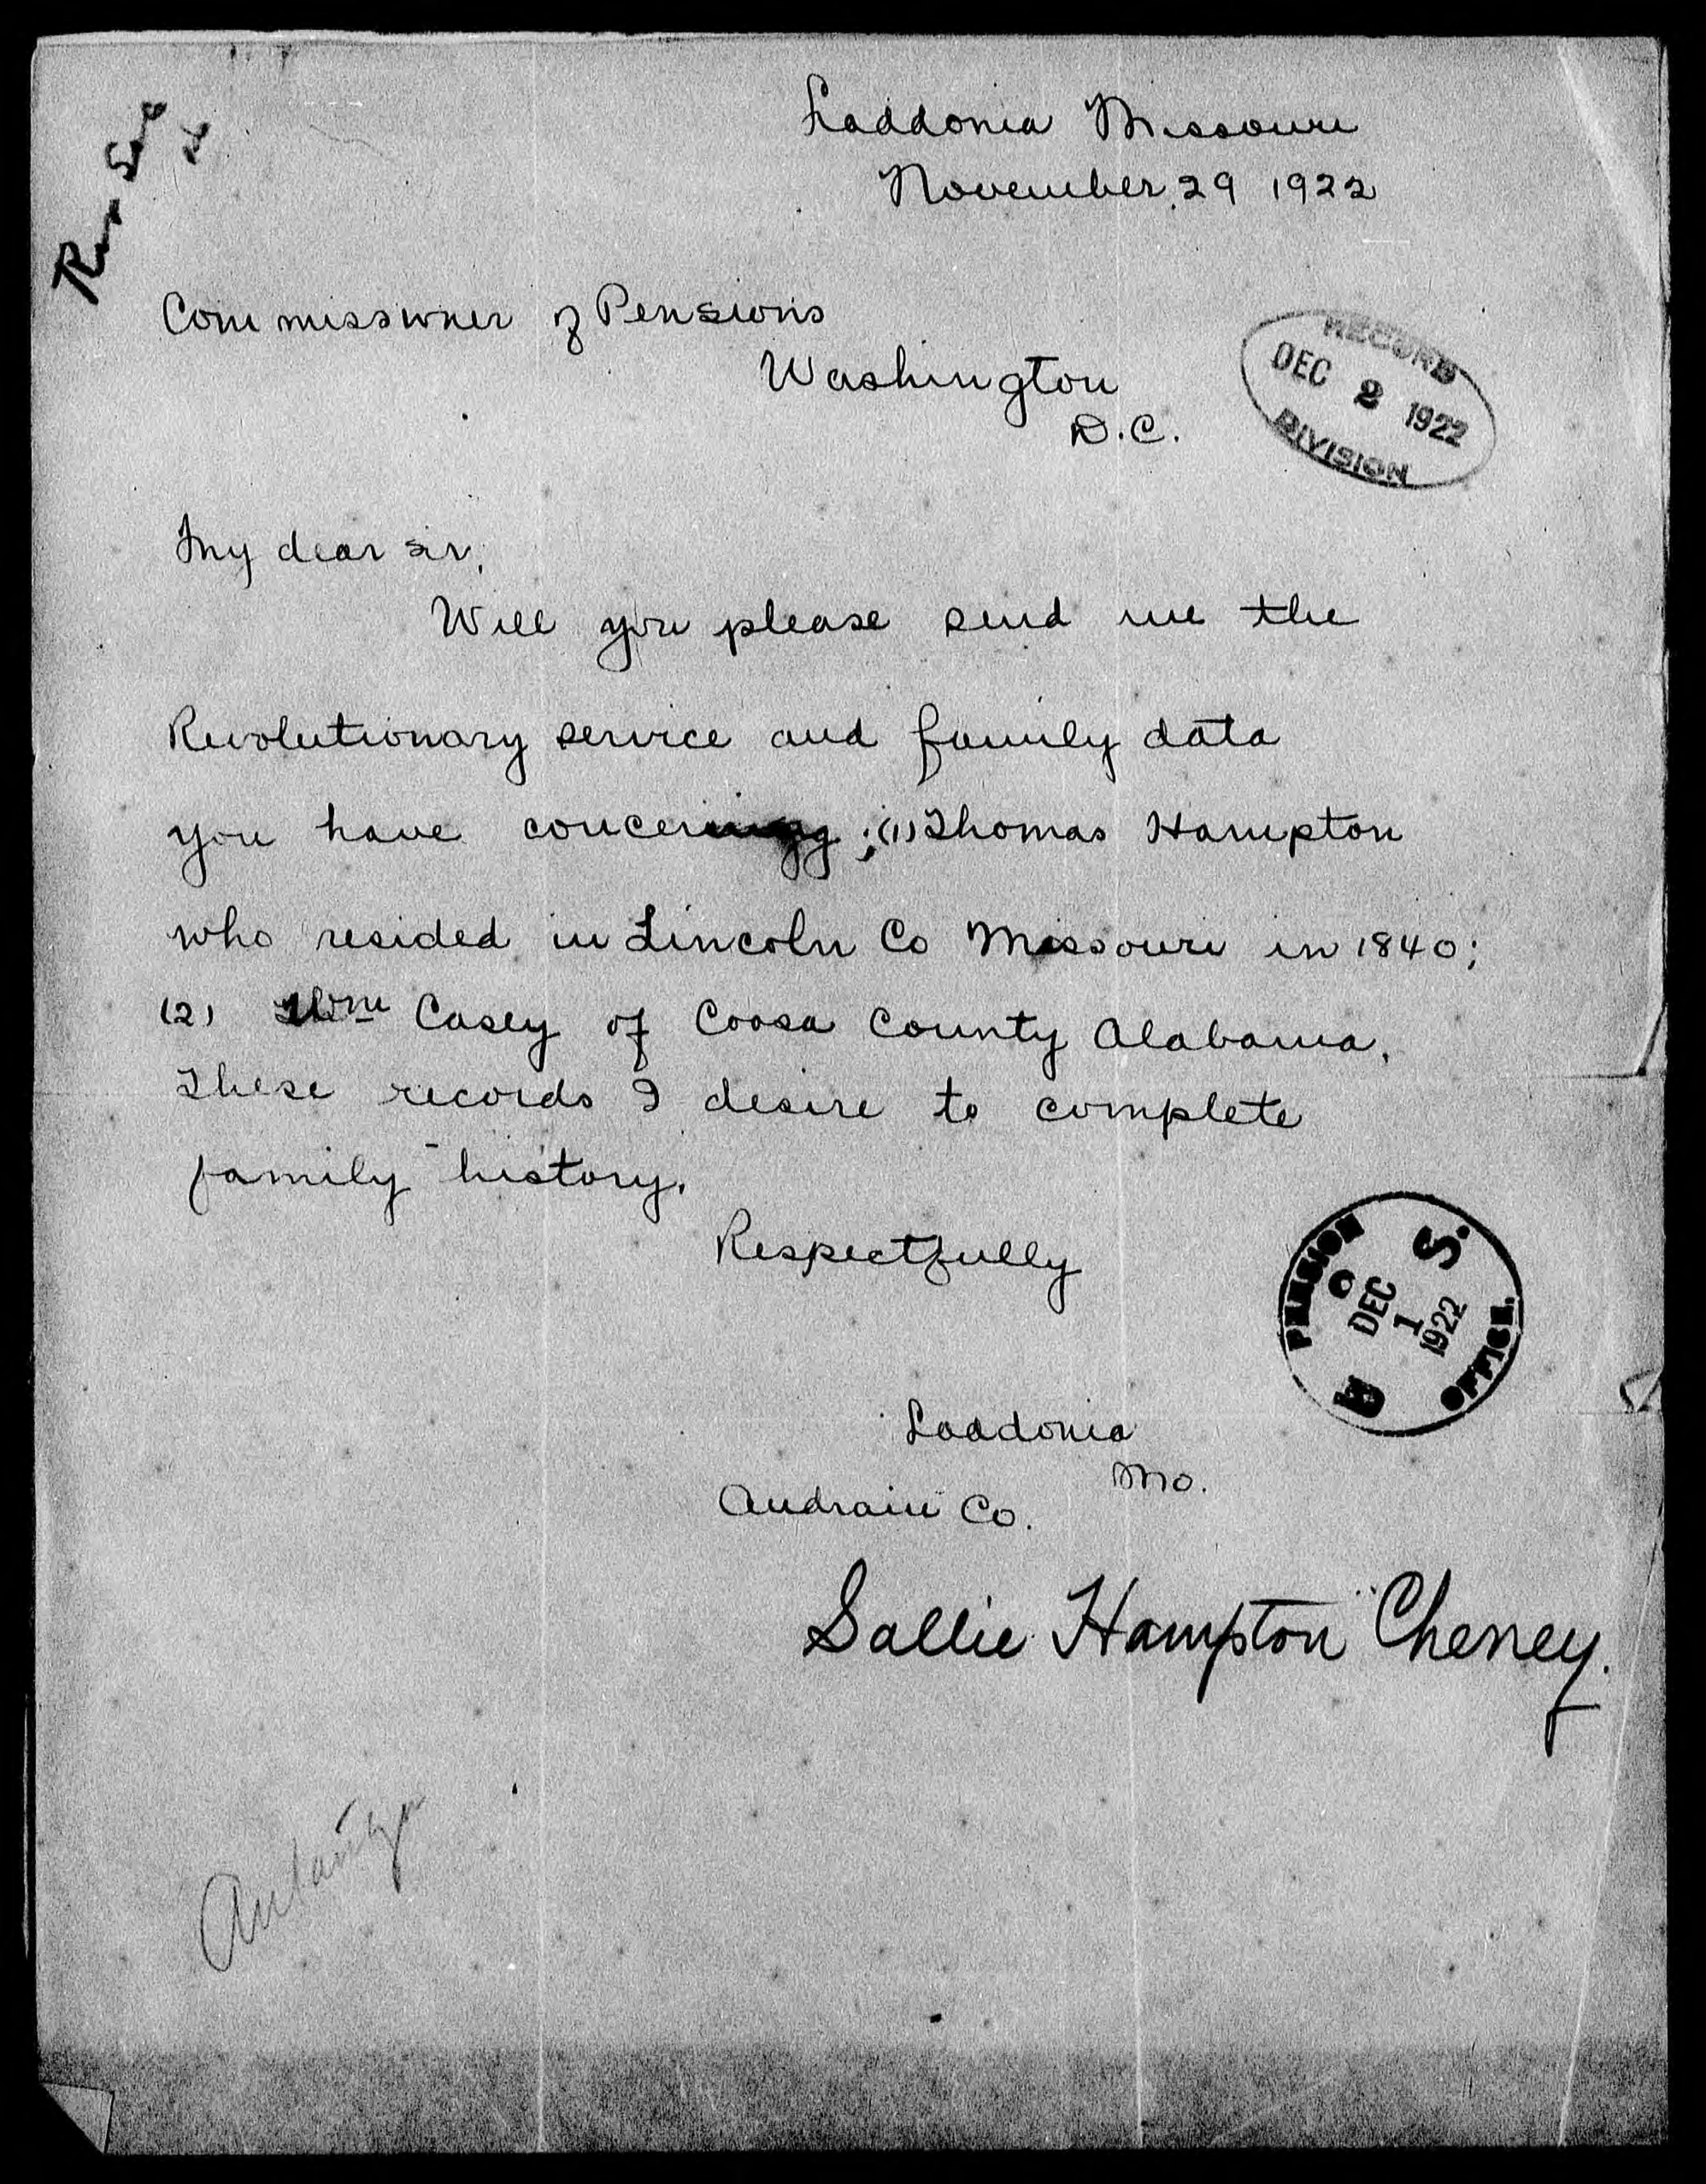Rev Sec

Laddonia Missouri
November 29 1922
Commissioner of Pensions
Washington
D.C. 

My dear sir,
Will you please send me the Revolutionary service and family data you have concerning; (1) Thomas Hampton who resided in Lincoln Co Missouri in 1840; (2) Wm Casey of Coosa County Alabama,
These records I desire to complete family history. 
Respectfully

Laddonia
Mo.
Audrain Co.
Sallie Hampton Cheney.
[Note: Antanga]

[Stamp:]
RECORD DIVISION DEC 2 1922

[Stamp:]
U S. PENSION OFFICE. O DEC 1 1922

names: Thomas Hampton, Sallie Hampton, Wm Casey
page: 8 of 26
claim: survivor's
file: S. 16842, Thomas Hampton, Va.